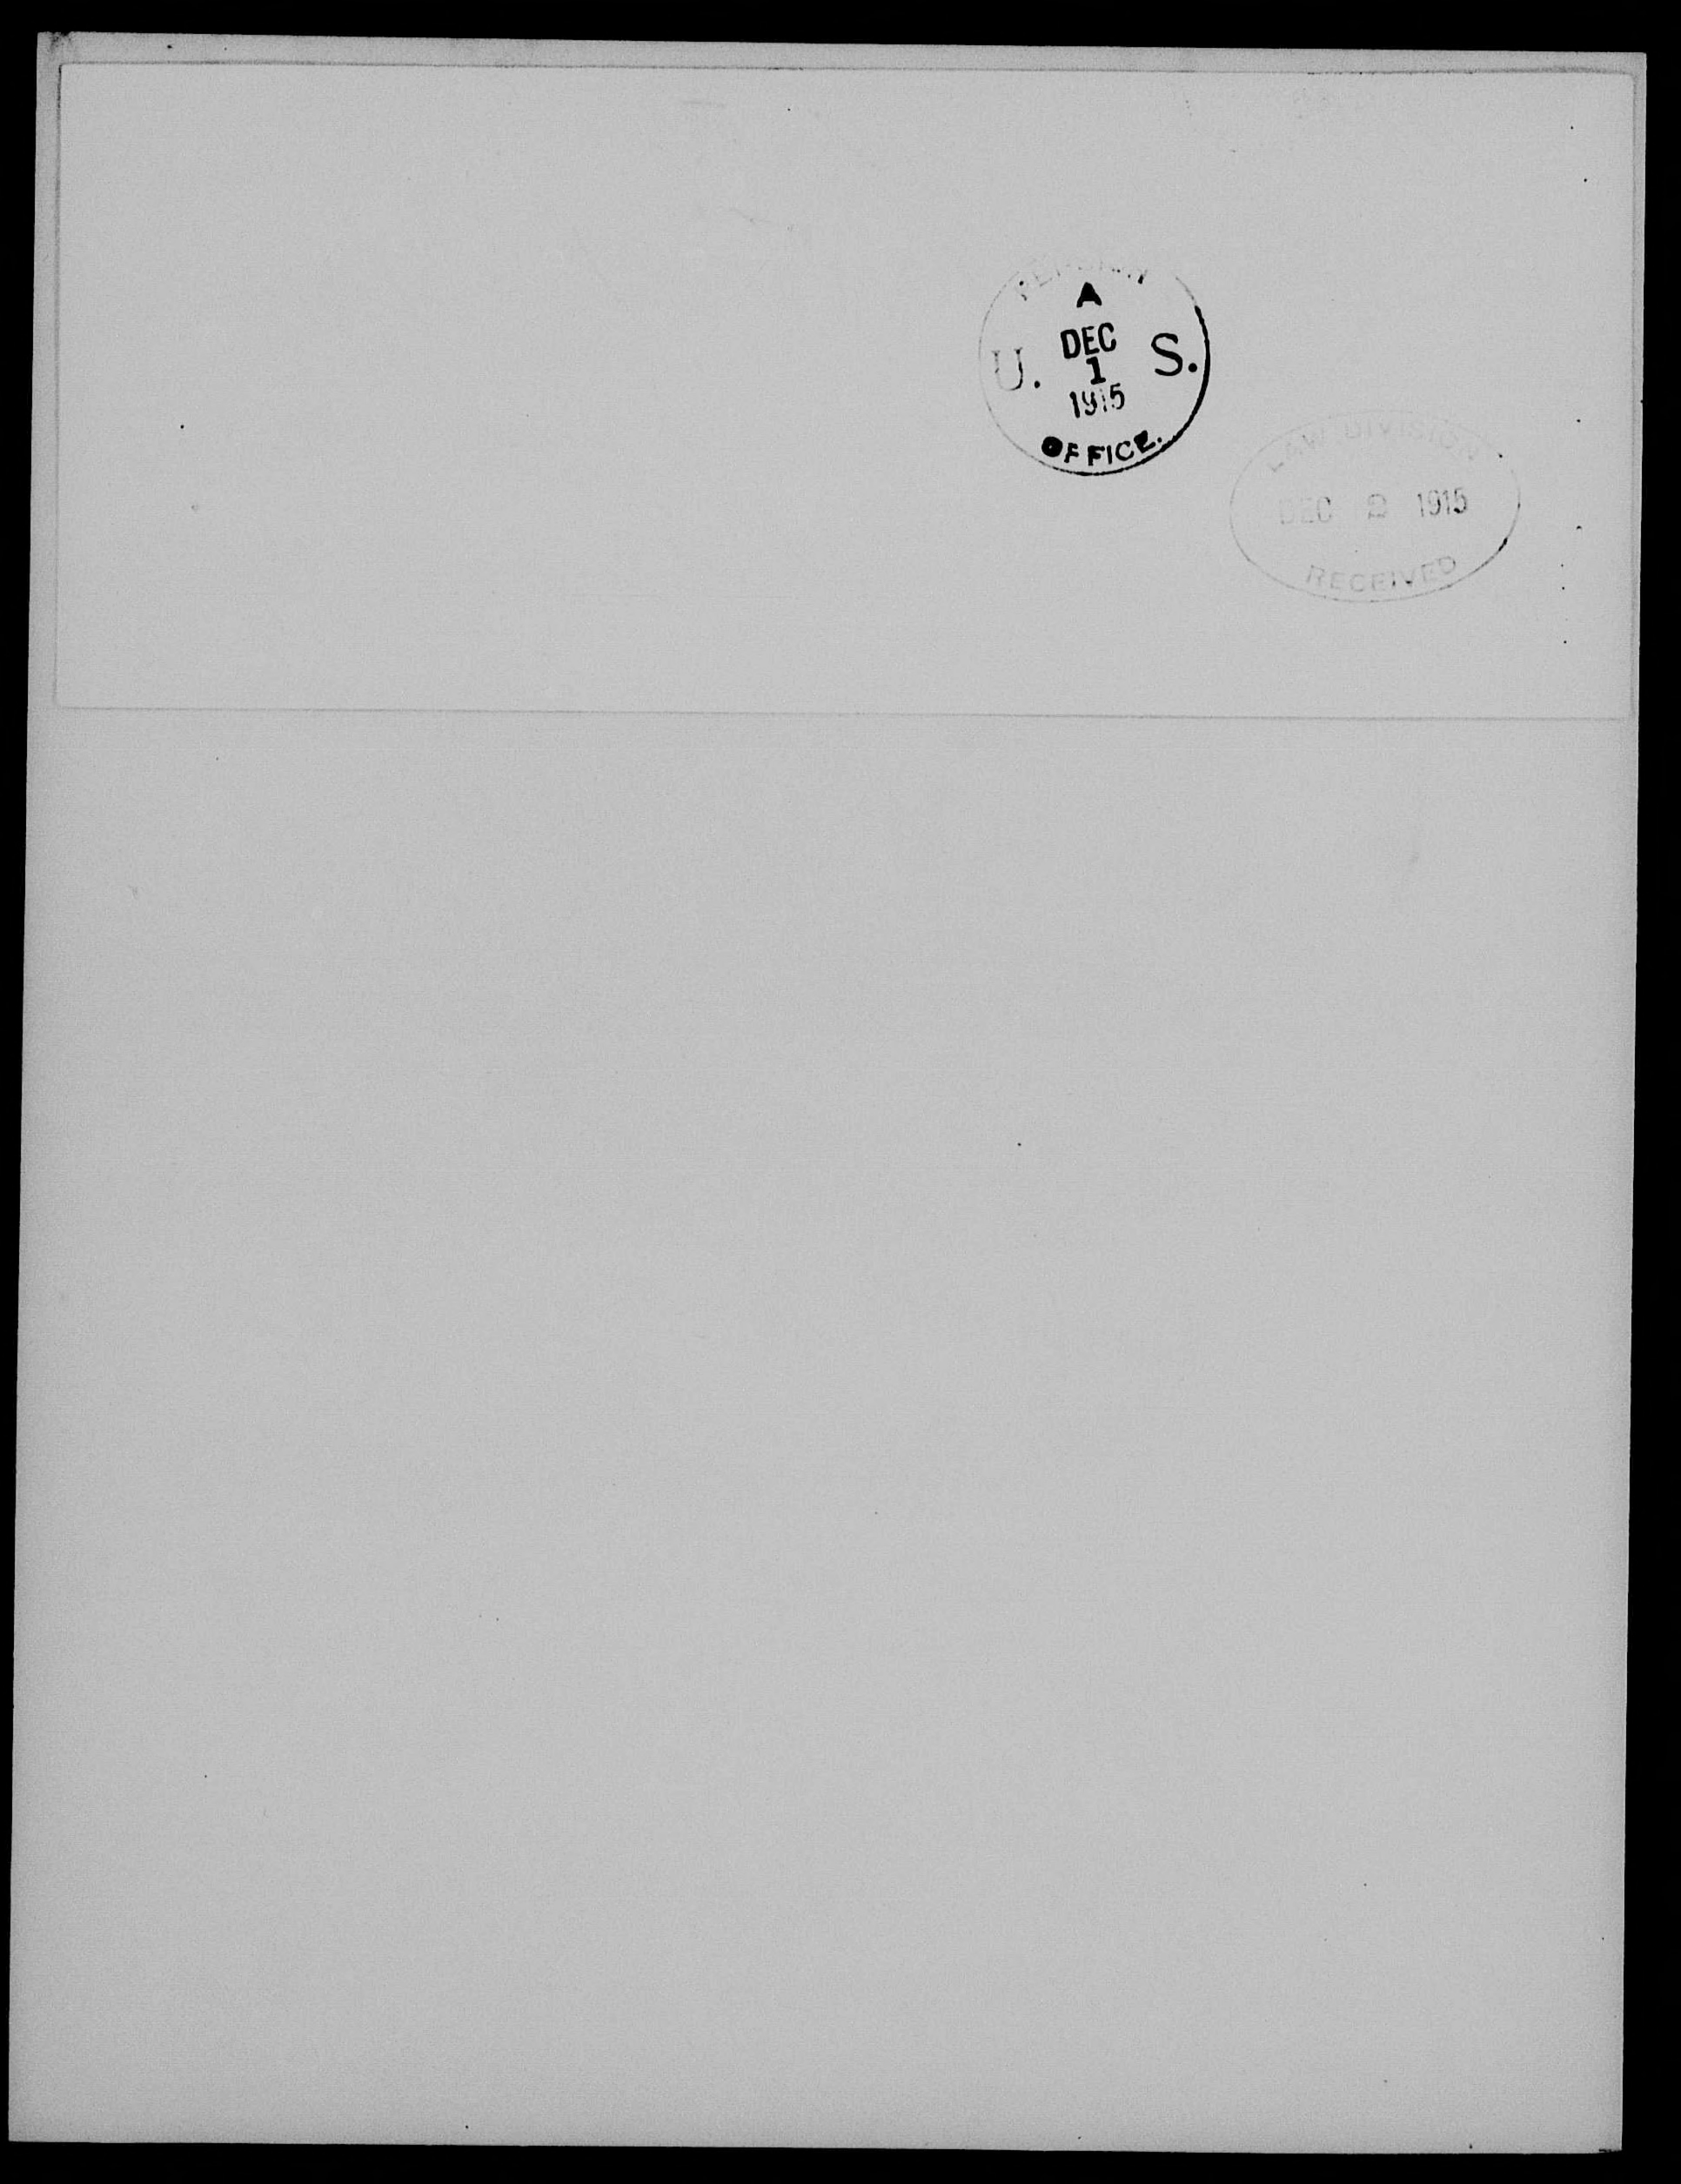[2 stamps on page]
[round stamp]
Pension Office
U.S.A
Dec 1 1915
[oval stamp]
LAW DIVISION
Dec 2 1915
Received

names: [BLANK]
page: 29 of 34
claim: survivor's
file: S. 19483, for John Taliaferro, Virginia